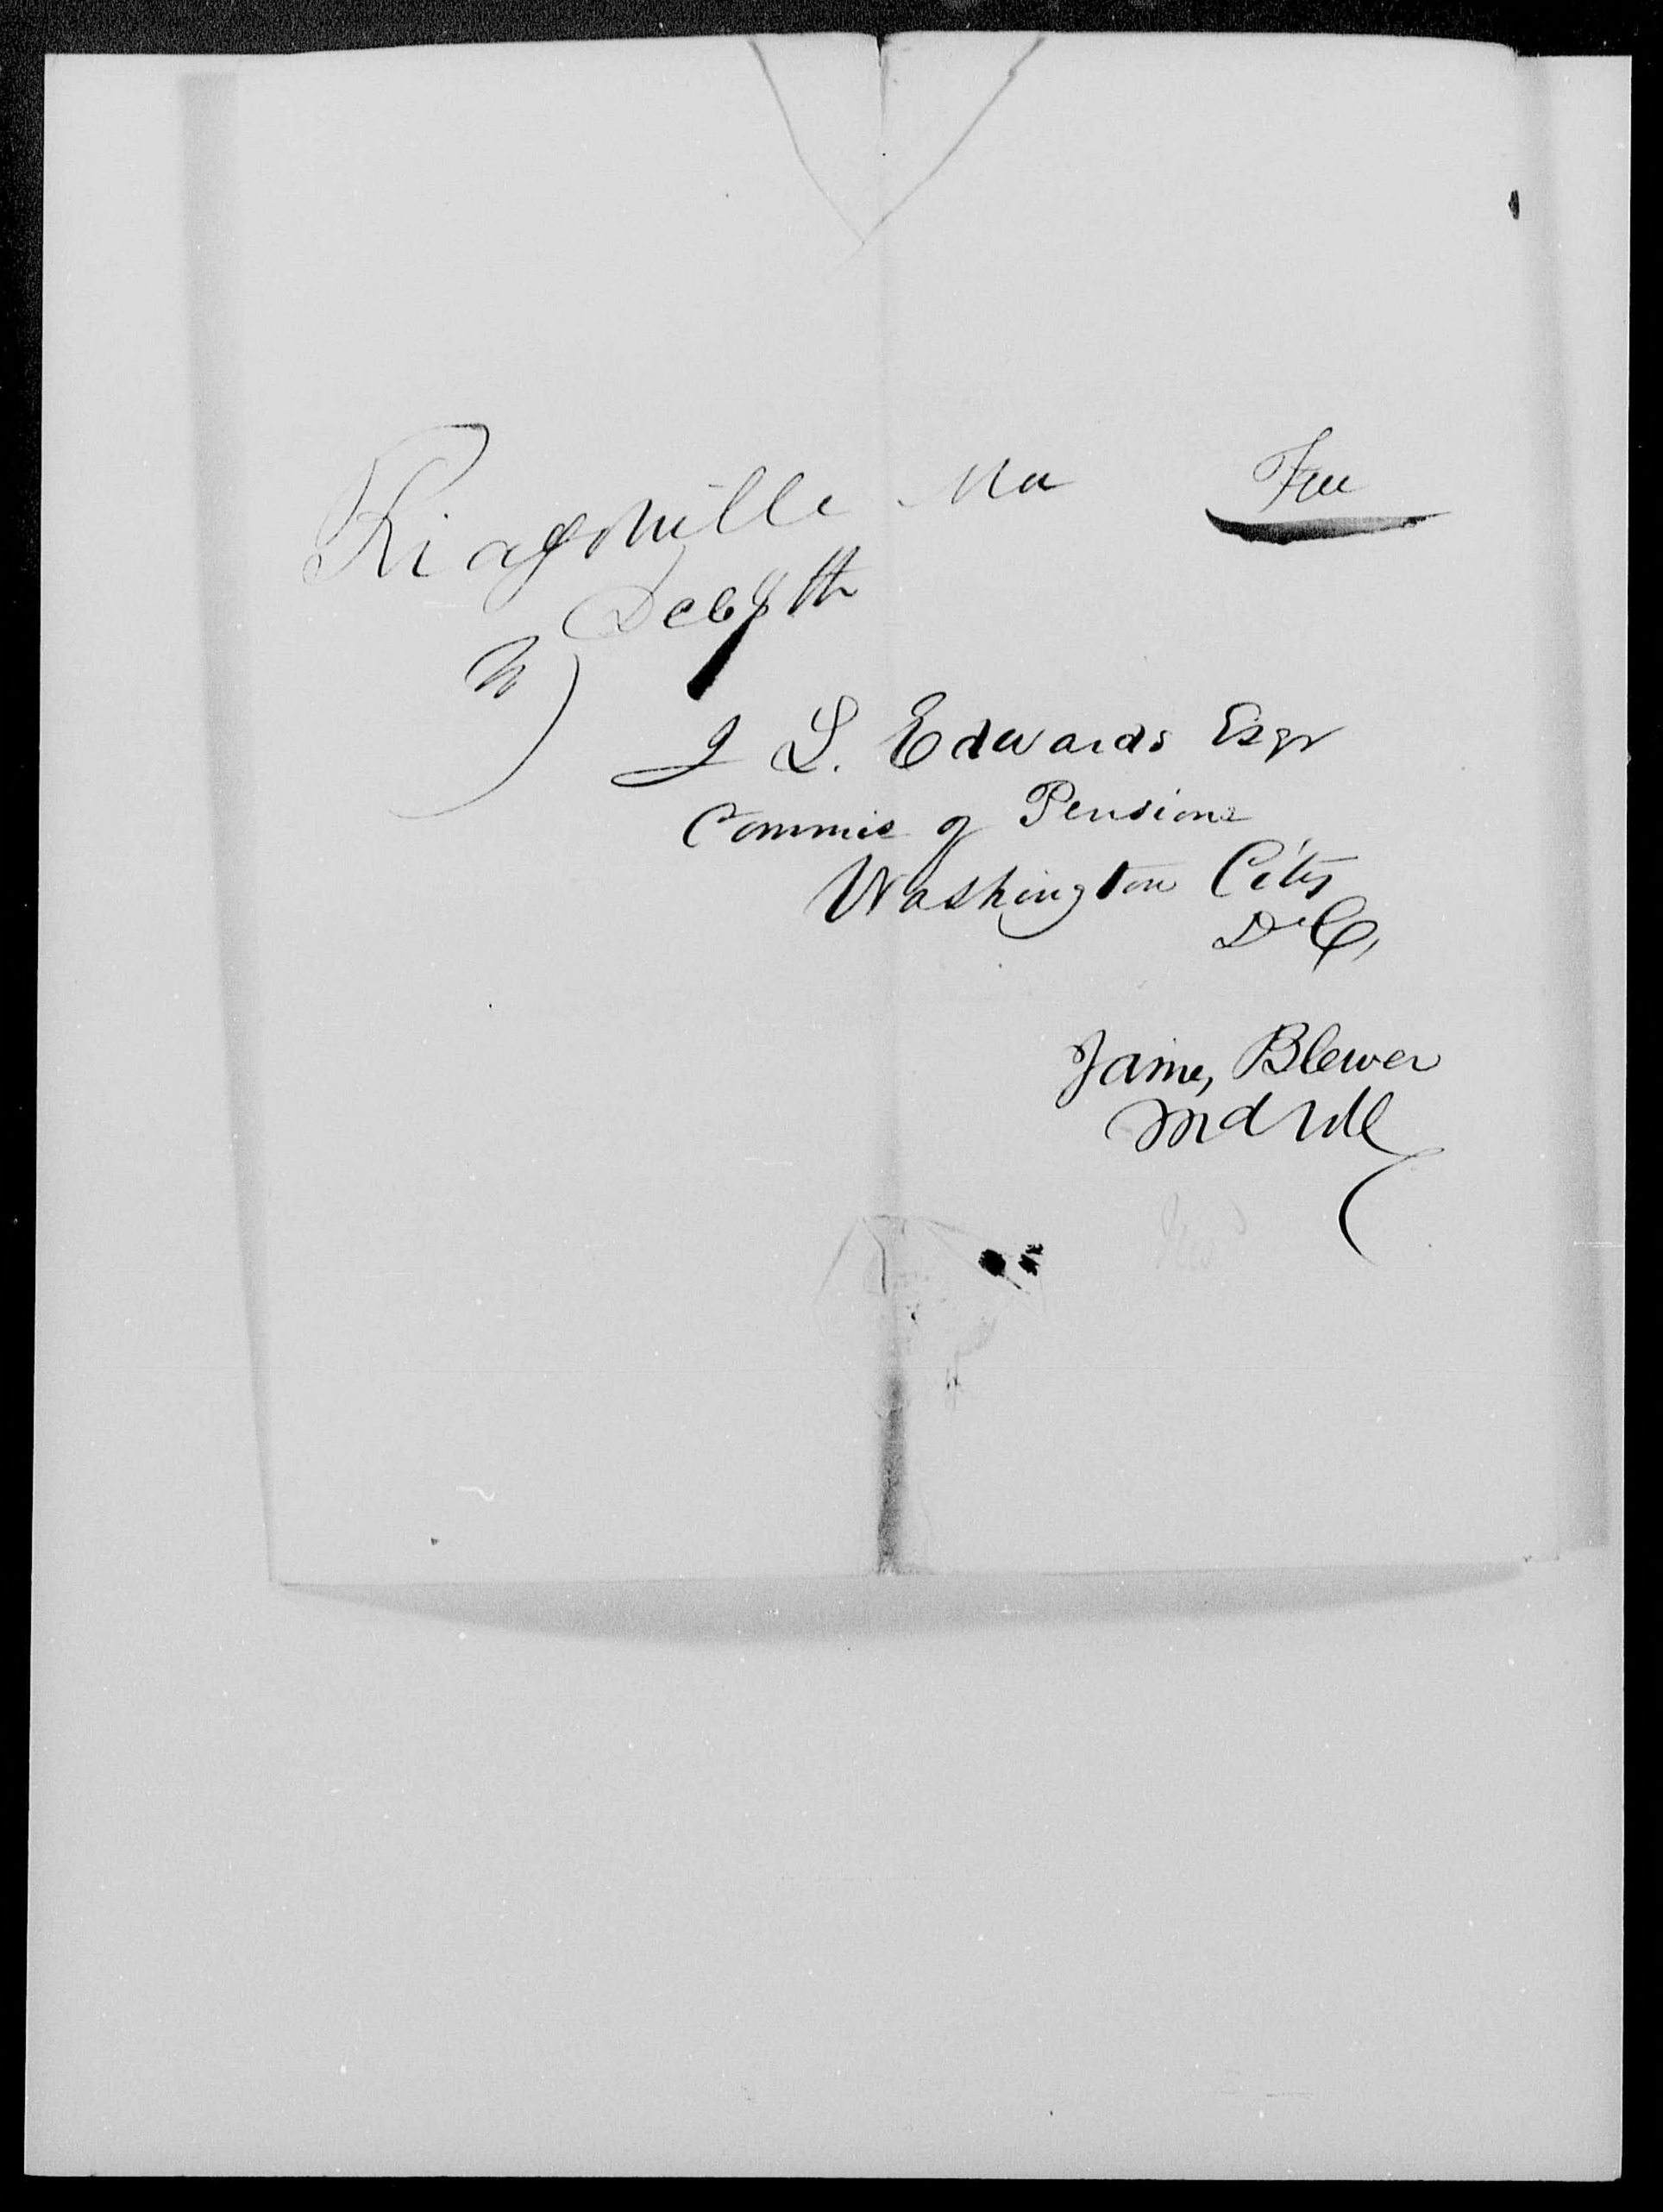FREE

Ridgeville, MD
Dec 8th

J.L. Edwards Esq
Comm of Pensions
Washington City
D.C.

James Blewer
MD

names: James Blewer, J L Edwards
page: 29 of 30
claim: survivor's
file: S. 10093, James Blewer, Md.